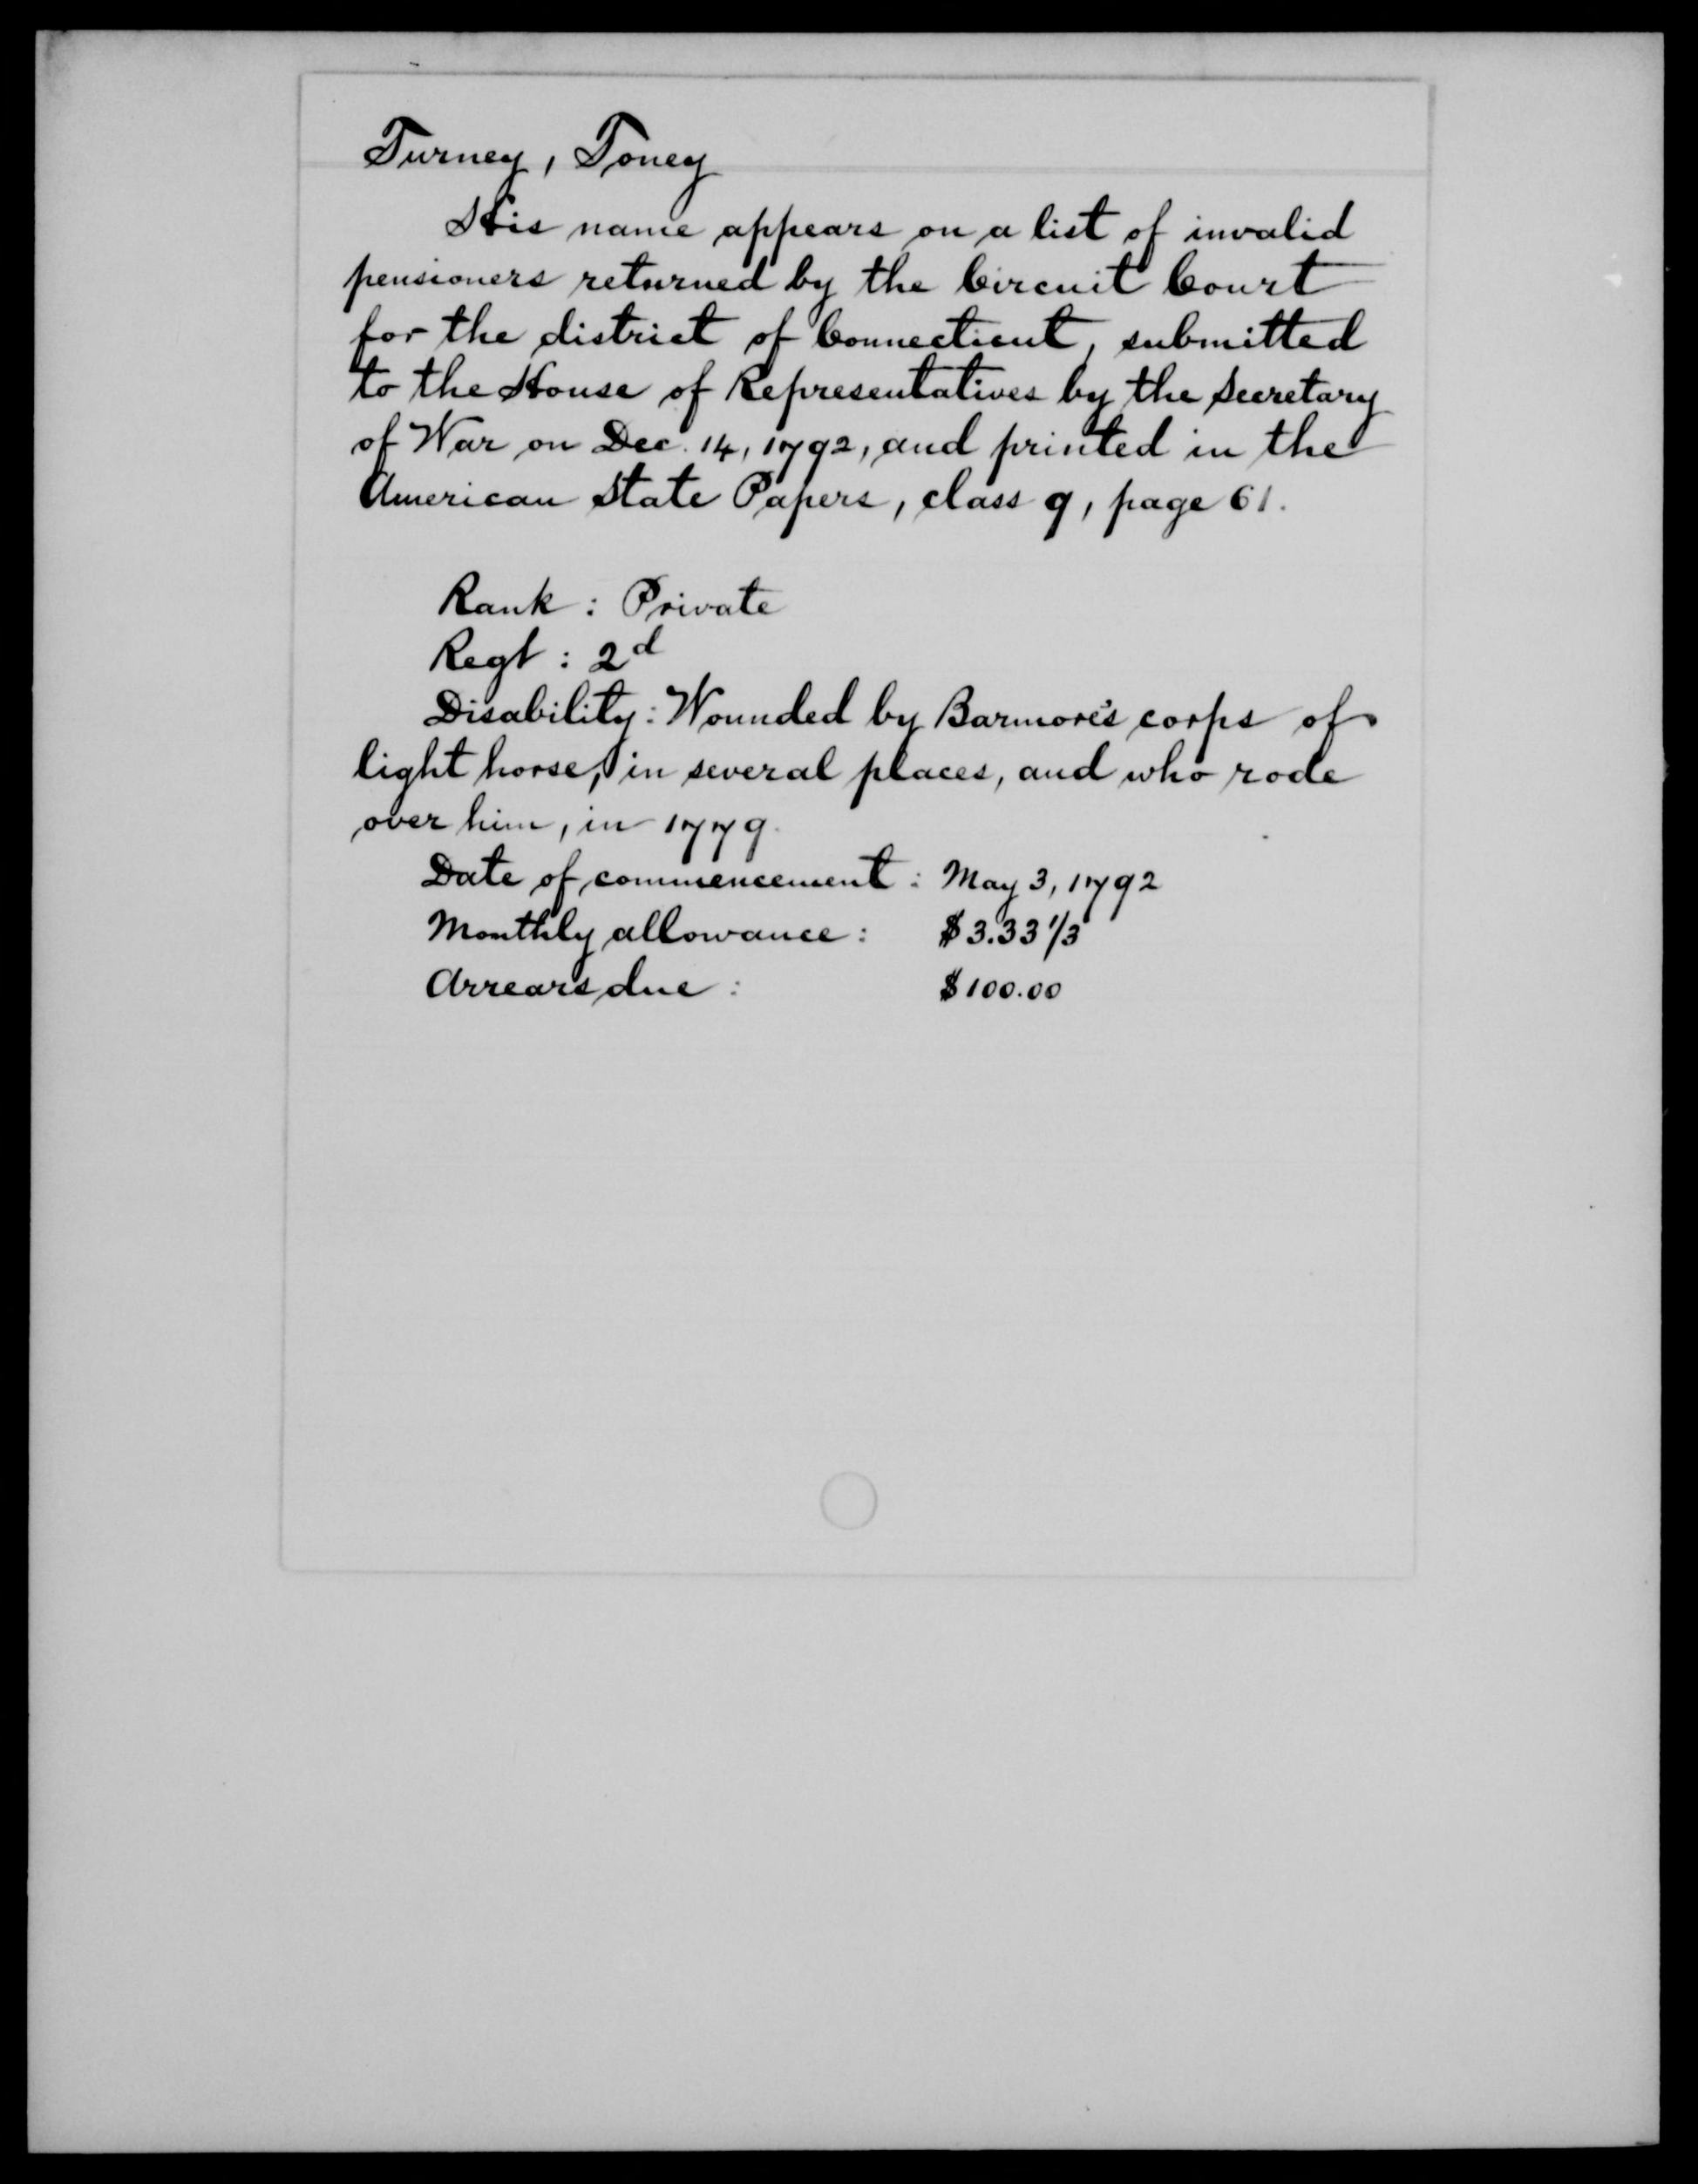Turney, Toney
His name appears on a list of invalid pensioners returned by the Circuit Court for the district of Connecticut, submitted to the House of Representatives by the Secretary of War, on Dec. 14, 1792, and printed in the American State Papers, class 9, page 61.

Rank :  Private
Regt : 2d
Disability : Wounded by Barmore's corps of light horse, in several places, and who rode over him in 1779.

Date of commencement : May 3, 1792
Monthly allowance : $3.33 1/3
Arrears due :  $100.00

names: Toney Turney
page: 3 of 5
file: [BLANK], Toney Turney, Conn.